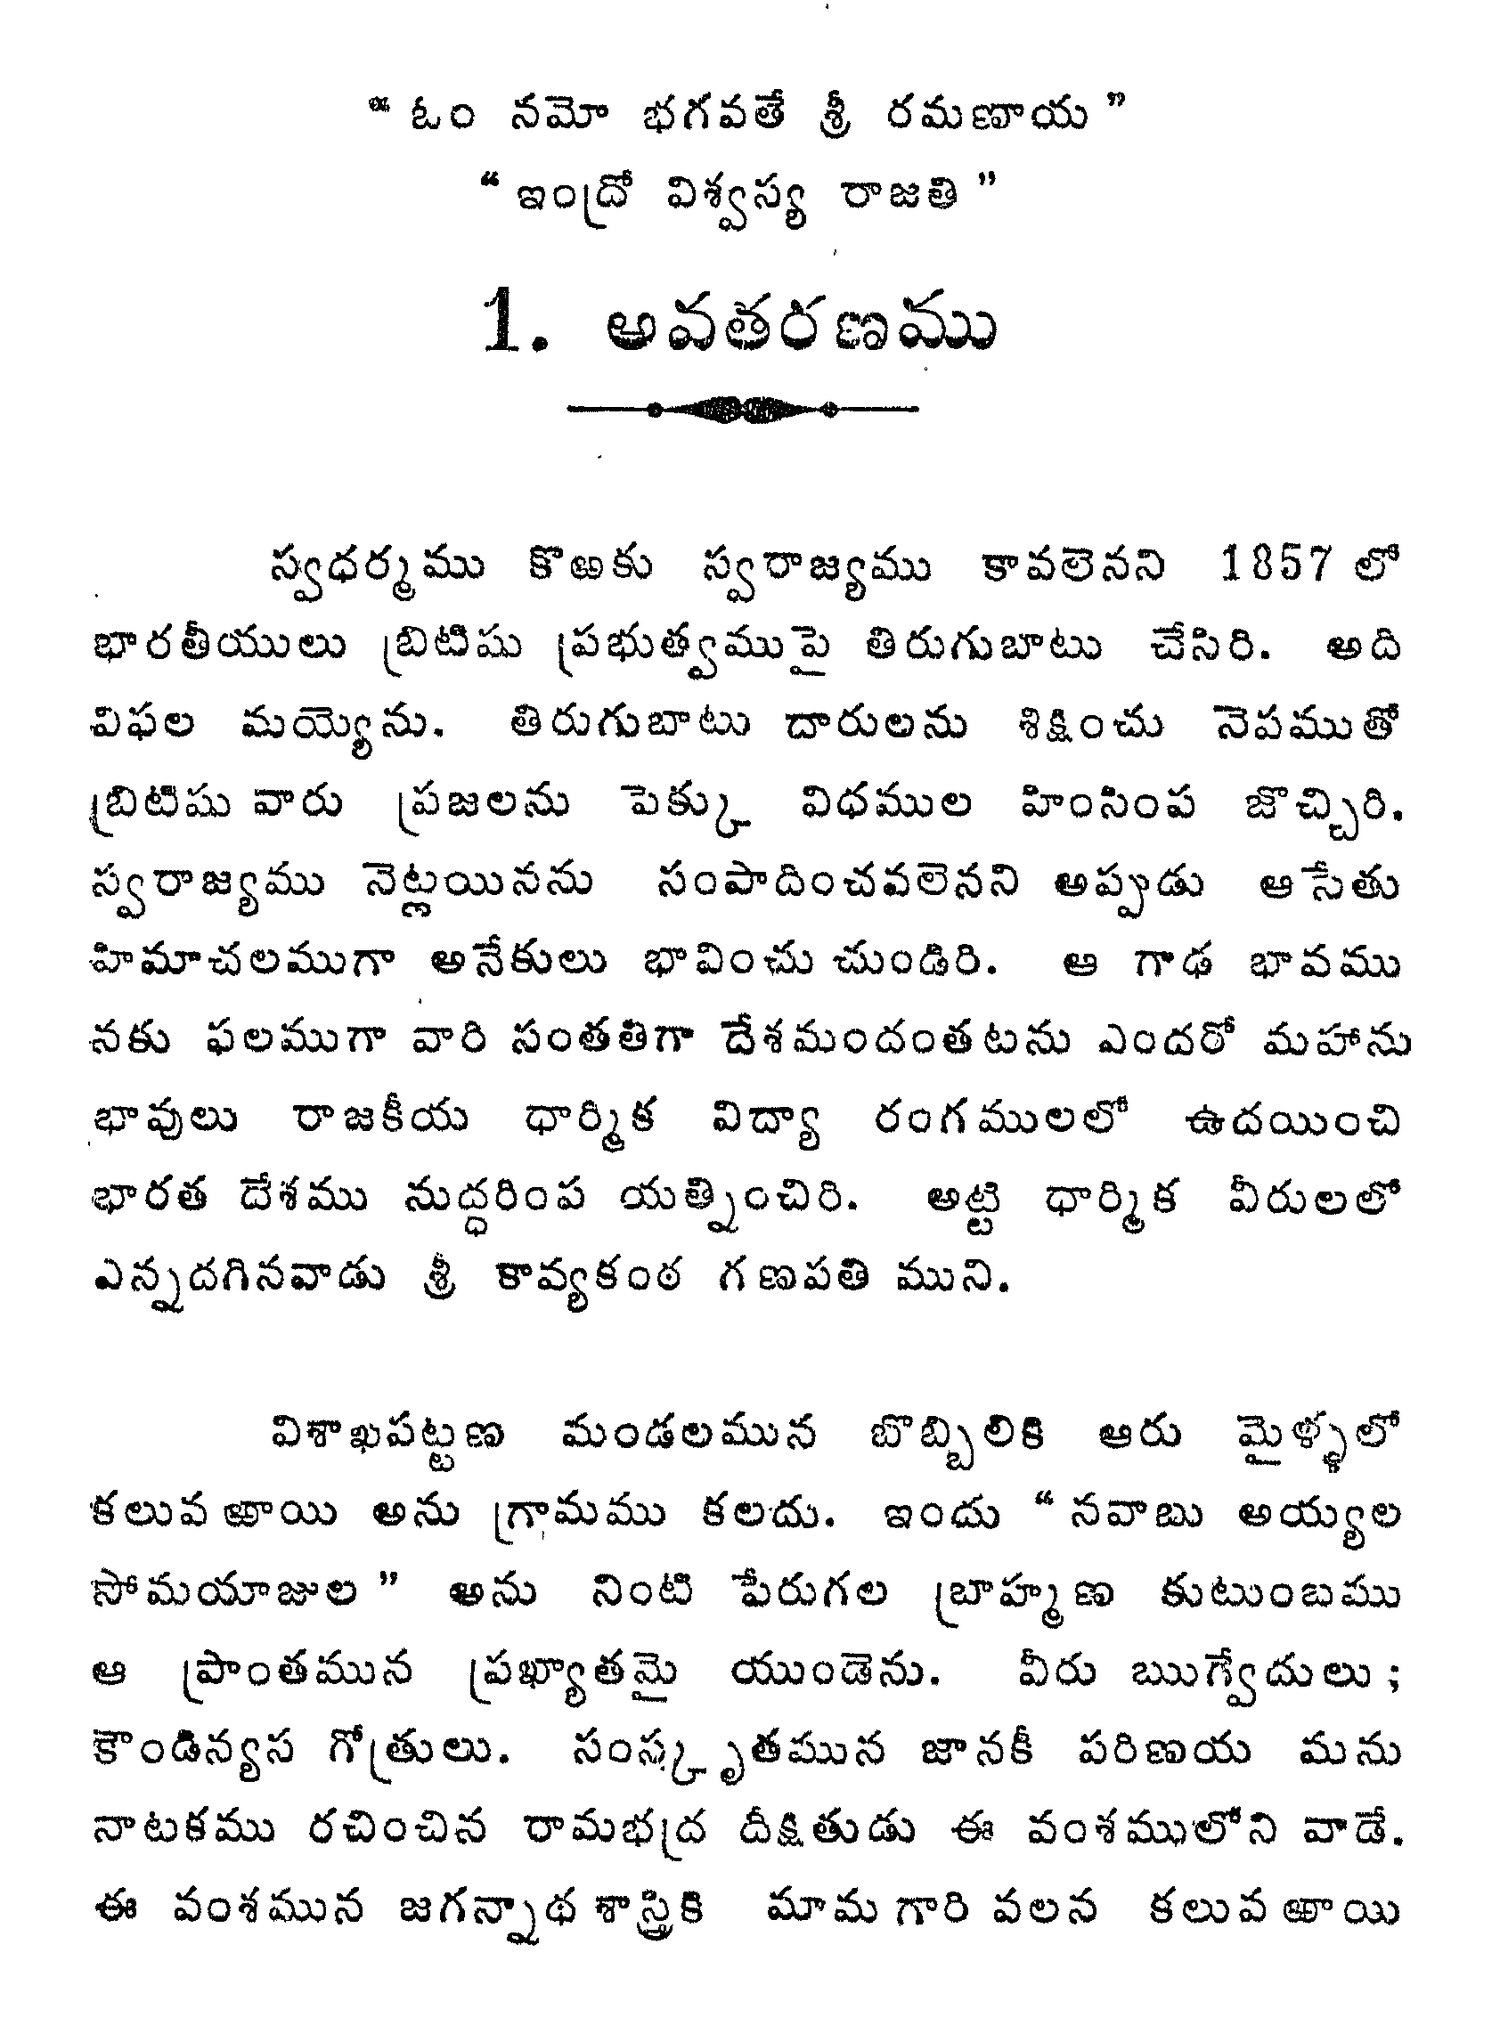స్వధర్మము కొఱకు స్వరాజ్యము కావలెనని 1857 లో భారతీయులు బ్రిటిషు ప్రభుత్వముపై తిరుగుబాటు చేసిరి. అది విఫల మయ్యెను. తిరుగుబాటు దారులను శిక్షించు నెపముతో బ్రిటిషువారు ప్రజలను పెక్కు విధముల హింసింప జొచ్చిరి. స్వరాజ్యము నెట్లయినను సంపాదించవలెనని అప్పుడు ఆసేతు హిమాచలముగా అనేకులు భావించు చుండిరి. ఆ గాఢ భావమునకు ఫలముగా వారి సంతతిగా దేశమందంతటను ఎందరో మహానుభావులు రాజకీయ ధార్మిక విద్యా రంగములలో ఉదయించి భారత దేశము నుద్ధరింప యత్నించిరి. అట్టి ధార్మిక వీరులలో ఎన్నదగినవాడు శ్రీ కావ్యకంఠ గణపతి ముని.

విశాఖపట్టణ మండలమున బొబ్బిలికి ఆరు మైళ్ళలో కలువఱాయి అను గ్రామము కలదు. ఇందు "నవాబు అయ్యల సోమయాజుల" అను నింటి పేరుగల బ్రాహ్మణ కుటుంబము ఆ ప్రాంతమున ప్రఖ్యాతమై యుండెను. వీరు ఋగ్వేదులు; కౌండిన్యస గోత్రులు. సంస్కృతమున జానకీ పరిణయ మను నాటకము రచించిన రామభద్ర దీక్షితుడు ఈ వంశములోని వాడే. ఈ వంశమున జగన్నాథ శాస్త్రికి మామగారి వలన కలువఱాయి